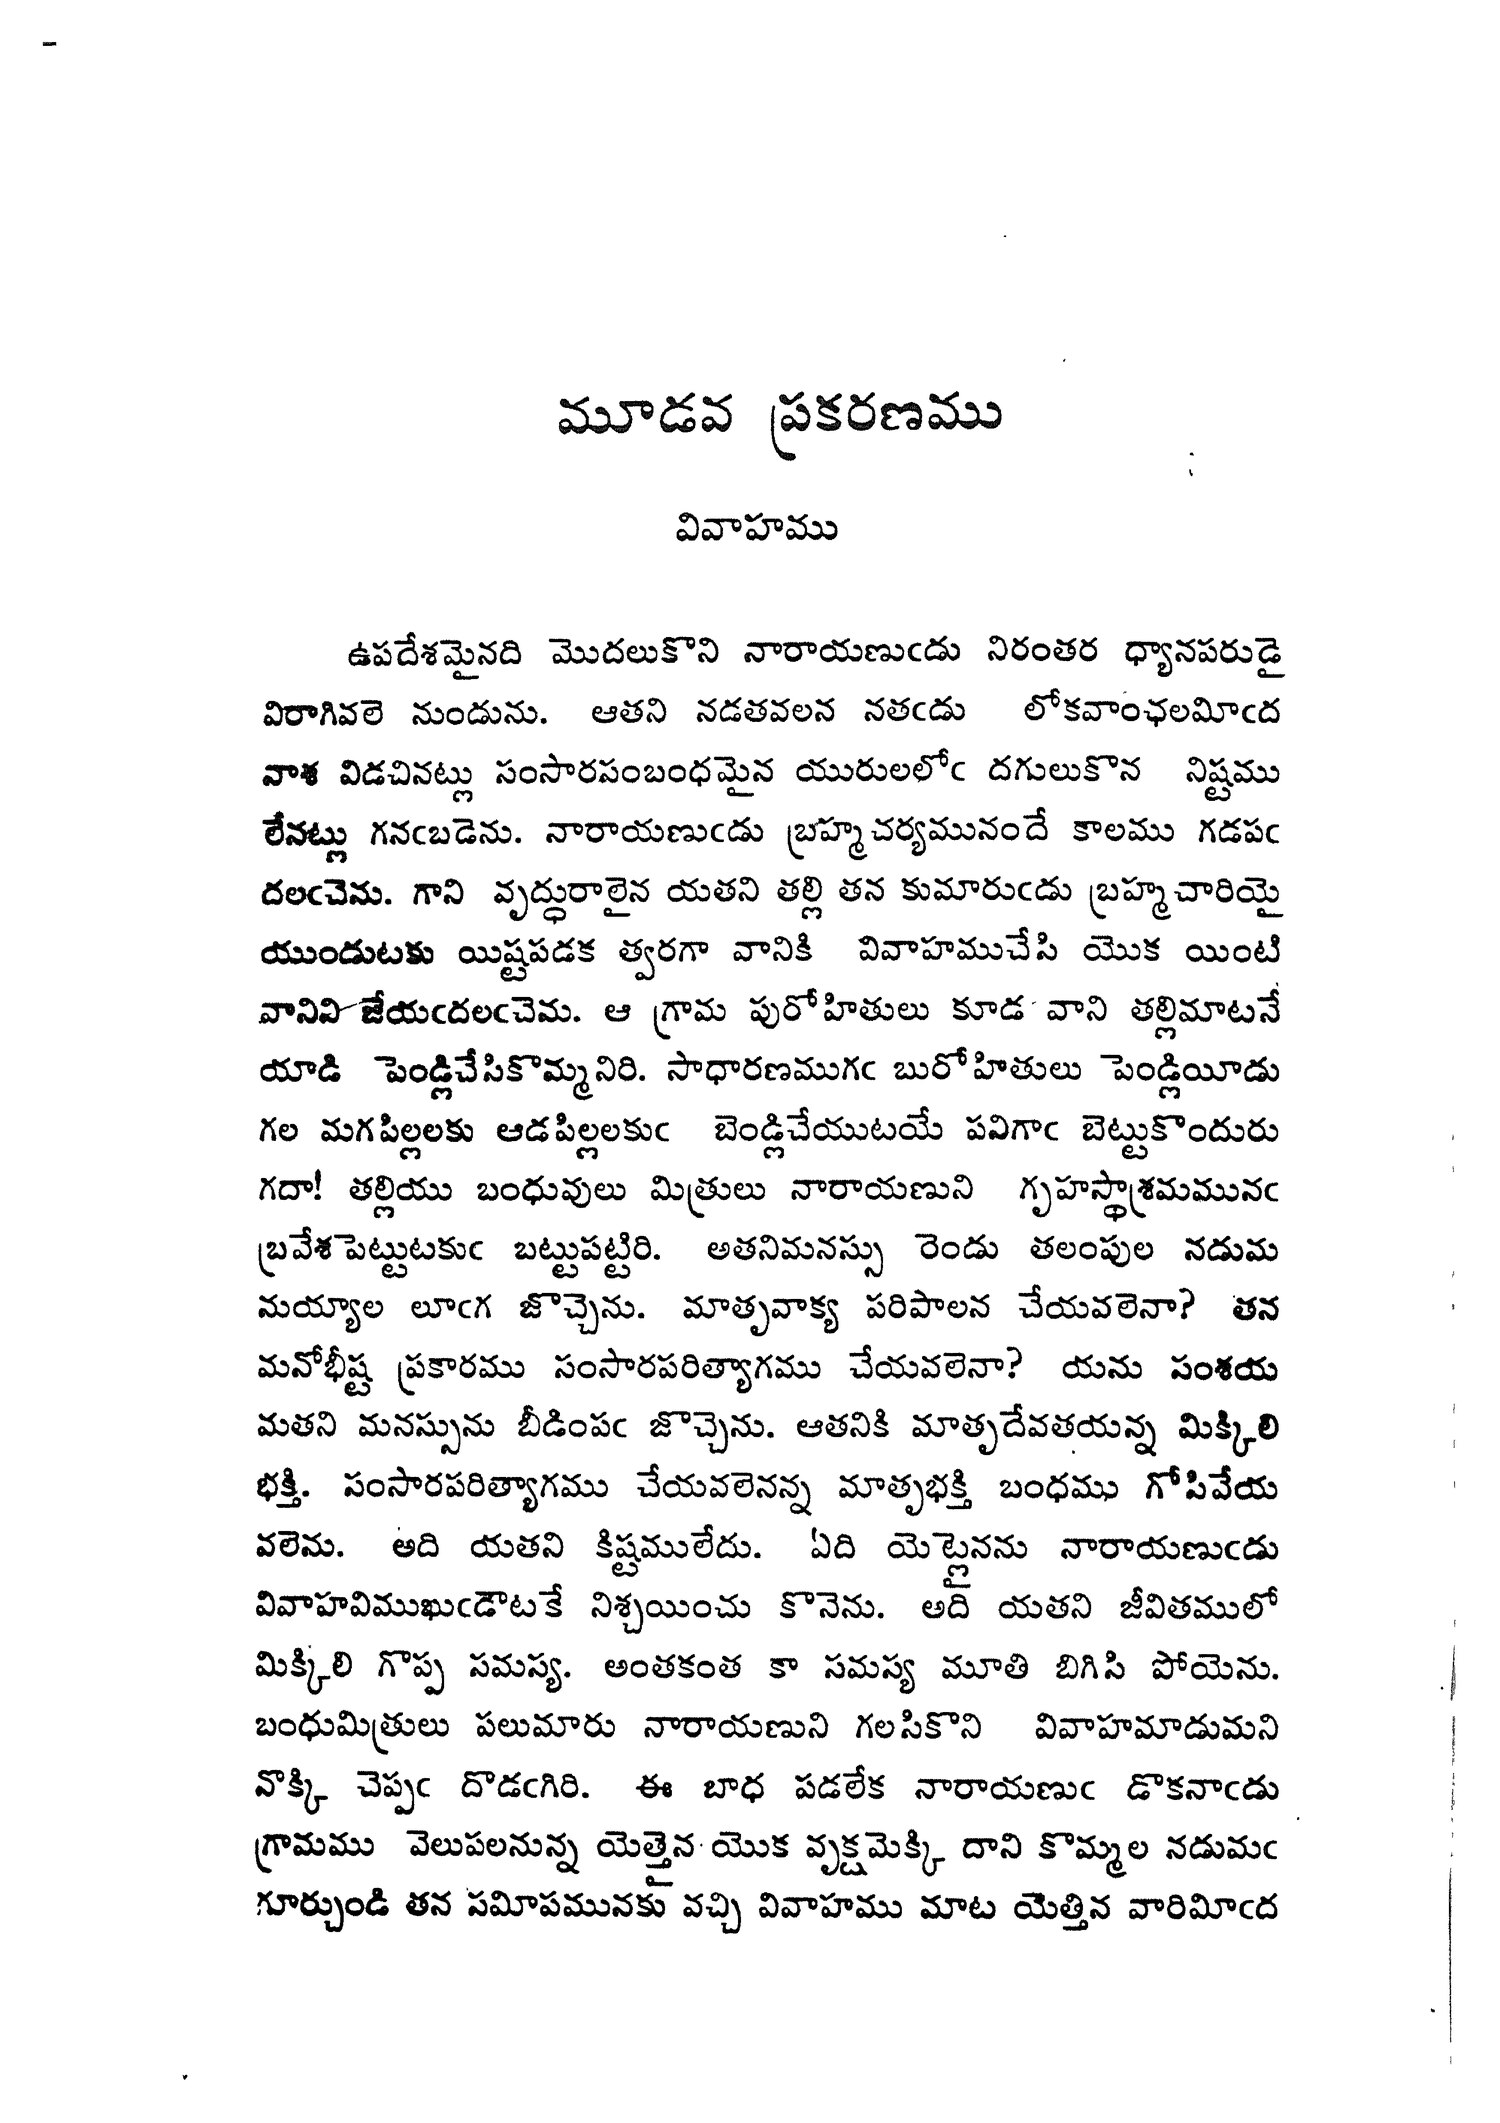ఉపదేశమైనది మొదలుకొని నారాయణుడు నిరంతర ధ్యానపరుడై విరాగివలె నుండును. అతని నడతవలన నతడు లోకవాంచలమీద నాశ విడచినట్లు సంసారసంభందమైన యురులలో దగులుకొన నిష్టమిలేనట్ట్లు గనపడెను. నారాయణుడు బ్రహ్మచర్యమునందే కాలము గడపదలచెను. గాని వృద్ధురాలైన యతని తల్లి తనకుమారుశడు బ్రహ్మచారియై యుండుటకు యిష్టపడక త్వరగా వానికి వివాహముజేసి యొకయింటివానినిజేయదలచెను. ఆగ్రామ పురోహితులు కూడ వాని తల్లిమాటనే యాడి పెండ్లిచేసుకొమ్మనిరి. సాధారణముగ బురోహితులు పెండ్లియీడుగల మగపిల్లలకు ఆడపిల్లలకు బెండ్లిచేయుటయే పనిగాపెట్టుకొందురు గదా! తల్లియుబంధువులు మిత్రులు నారాయణుని గృహస్తాశ్రమమున బ్రవేశపెట్టుటకు బట్టుపట్టిరి. అతని మనస్సు రెండుతలంపుల నడుమ నియ్యాలలూగ జొచ్చెను. మాతృవాక్య పరిపాలన చేయవలెనా? తనమనోభీష్ట ప్రకారము సంసారపరిత్యాగము చేయవలెనా? యను సంశయ మతని మనస్సును బీడింప జొచ్చెను. అతనికి మాతృదేవతయన్న మిక్కిలి భక్తి. సంసారపరిత్యాగము చేయవలెనన్న మాతృభక్తి బంధము గోసివేయవలెను.అది యతని కిష్టములేదుshy amulet. ఏదిఎట్లైనను నాయణుడు వివాహవిముఖుడౌటకే నిశ్చయించు కొనెను. అది అతని జీవితములో మిక్కిలి సమస్య. అంతకంత కా సమస్య మూతిబిగిసి పోయెను. బంధుమిత్రులు పలుమారు నారాయణుని గలిసికొని వివాహమాడుమని నొక్కి చెప్ప దొడగిరి. ఈబాధపడలేక నారాయణు డొకనాడు గ్రామము వెలుపల్ నున్న యెత్తైన యొక వృక్షమెక్కి దాని కొమ్మల నడుమ గూర్చుండి తన సమీపమునకు వచ్చి వివాహము మాట యెత్తిన వారిమీద